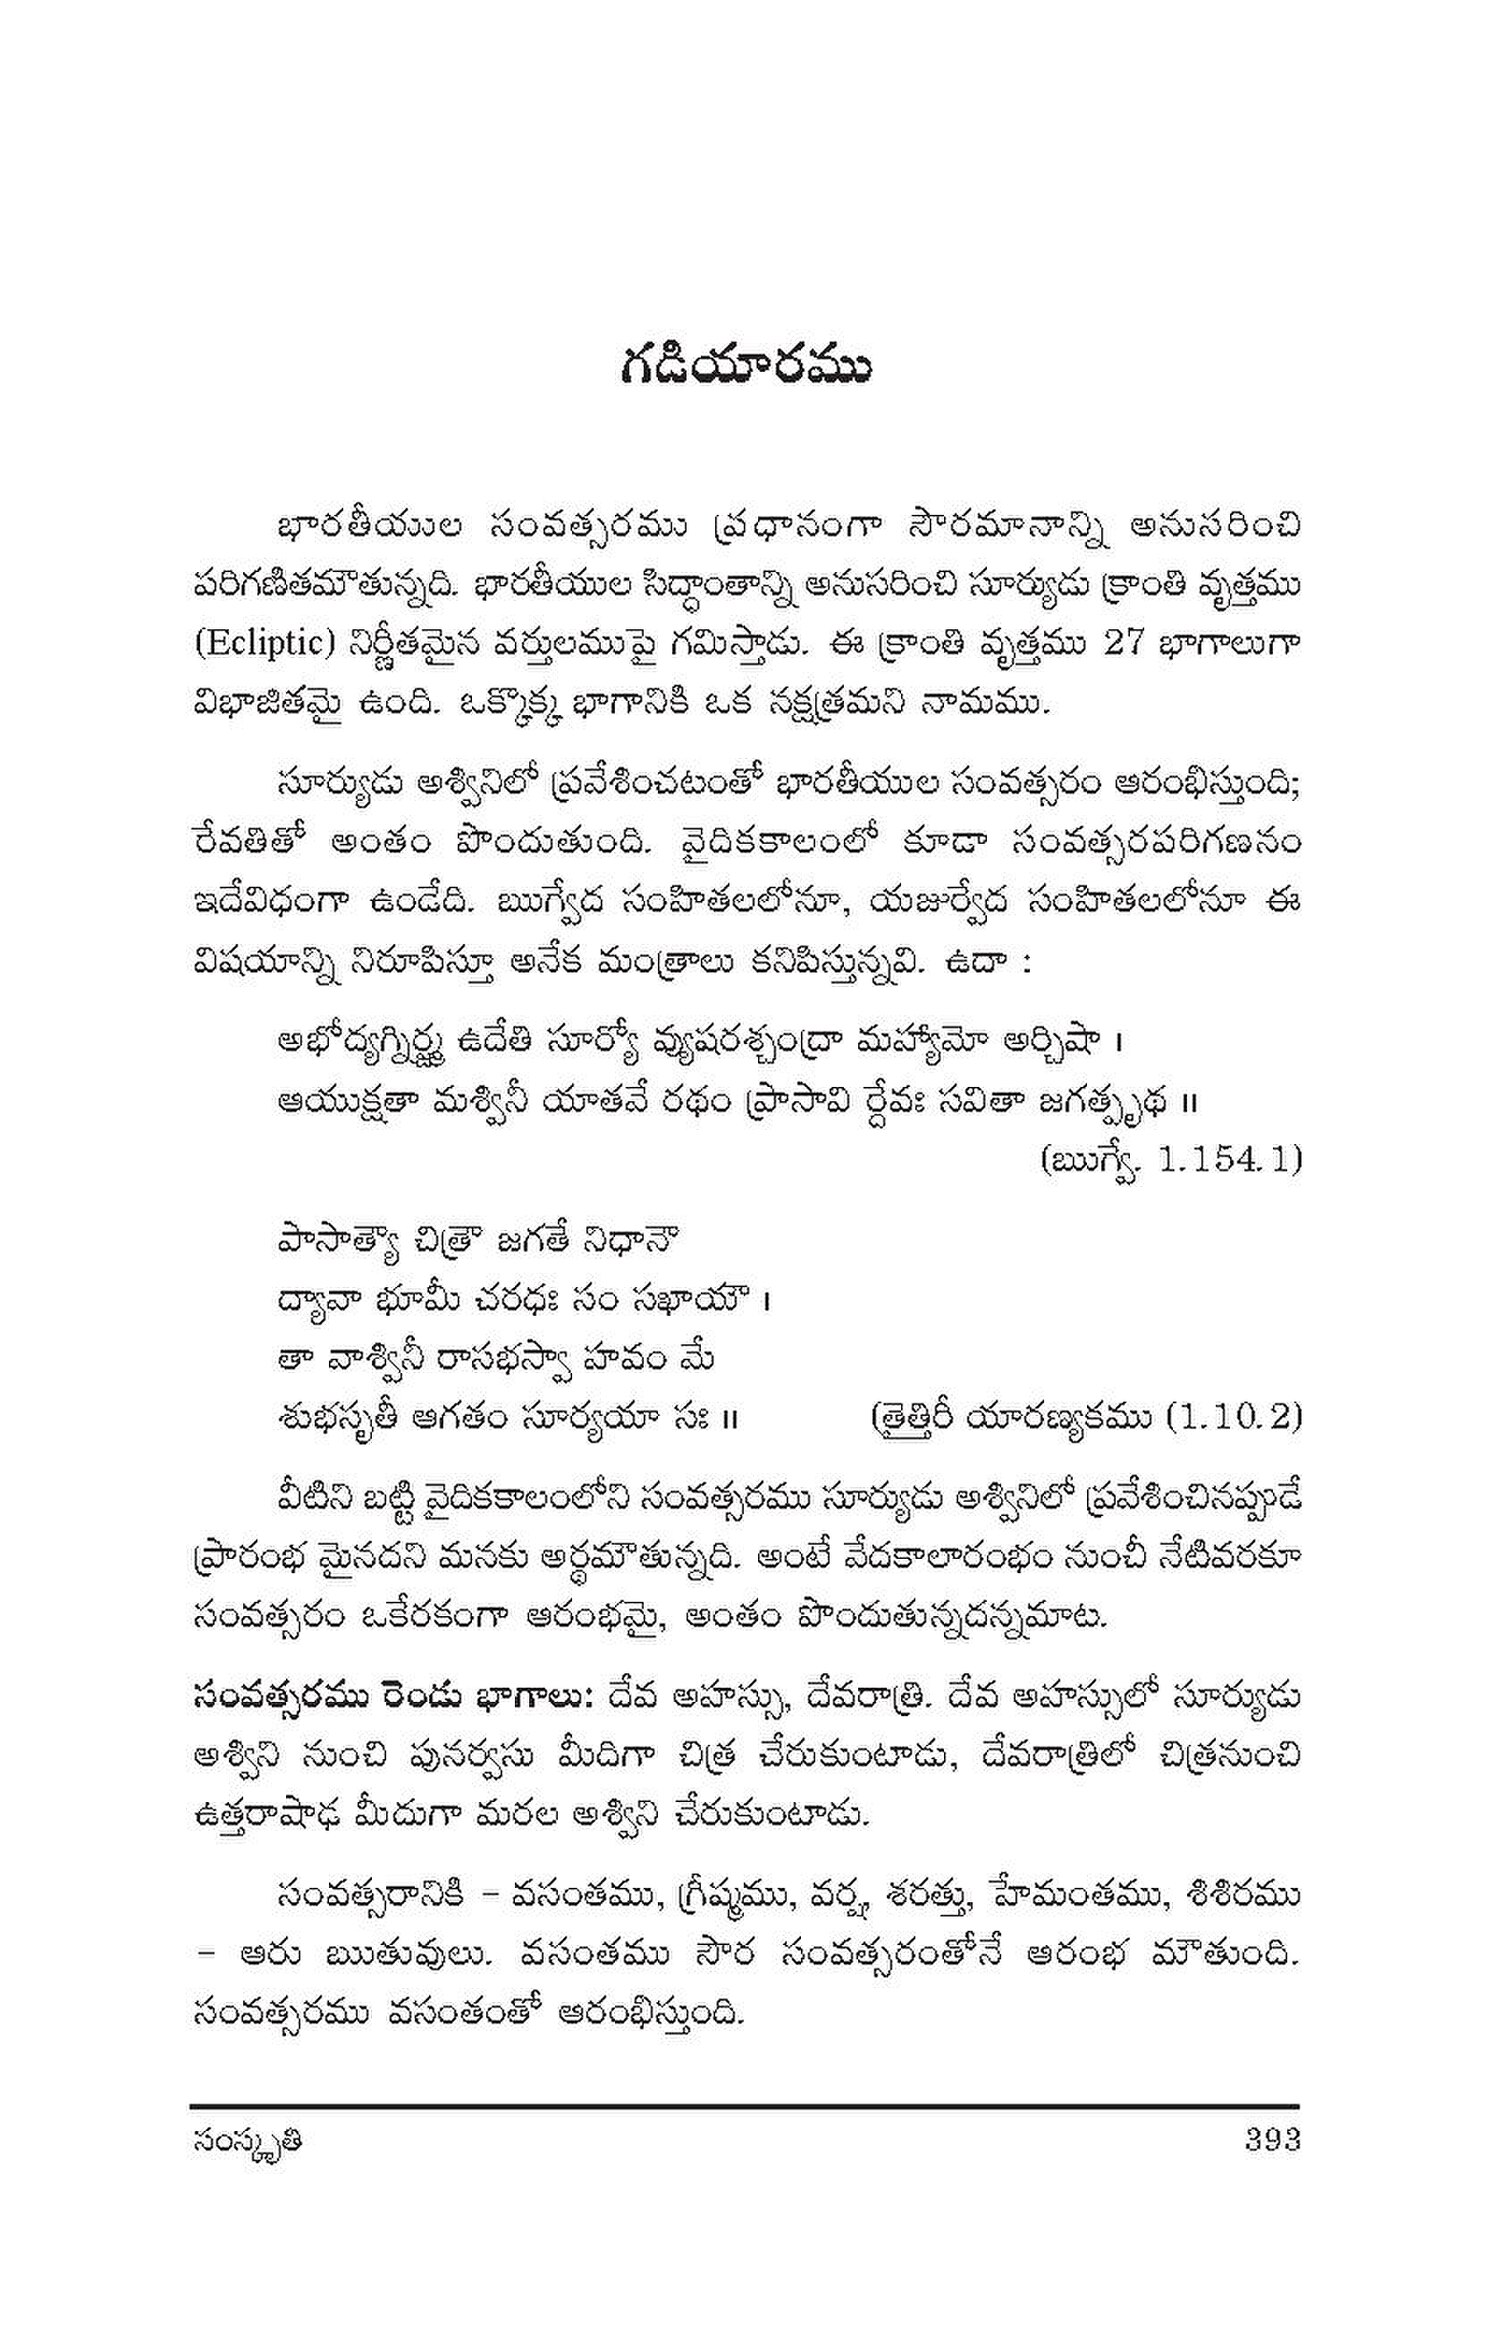భారతీయుల సంవత్సరము ప్రధానంగా సౌరమానాన్ని అనుసరించి
పరిగణితమౌతున్నది. భారతీయుల సిద్ధాంతాన్ని అనుసరించి సూర్యుడు క్రాంతి వృత్తము
(Ecliptic) నిర్ణీతమైన వర్తులముపై గమిస్తాడు. ఈ క్రాంతి వృత్తము 27 భాగాలుగా
విభాజితమై ఉంది. ఒక్కొక్క భాగానికి ఒక నక్షత్రమని నామము.

సూర్యుడు అశ్వినిలో ప్రవేశించటంతో భారతీయుల సంవత్సరం ఆరంభిస్తుంది;
రేవతితో అంతం పొందుతుంది. వైదికకాలంలో కూడా సంవత్సరపరిగణనం
ఇదేవిధంగా ఉండేది. ఋగ్వేద సంహితలలోనూ, యజుర్వేద సంహితలలోనూ ఈ
విషయాన్ని నిరూపిస్తూ అనేక మంత్రాలు కనిపిస్తున్నవి. ఉదా :

అభోద్యగ్నిర్ణ ఉదేతి సూర్యో వ్యుషరశ్చంద్రా మహ్యామో అర్చిషా |
ఆయుక్షతా మశ్వినీ యాతవే రథం ప్రాసావి ర్దేవః సవితా జగత్పృథ 

పాసాత్యౌ చిత్రా జగతే నిధానౌ
ద్యావా భూమీ చరధః సం సఖాయౌ |
తా వాశ్వినీ రాసభస్వా హవం మే
శుభసృతీ ఆగతం సూర్యయా సః ॥

వీటిని బట్టి వైదికకాలంలోని సంవత్సరము సూర్యుడు అశ్వినిలో ప్రవేశించినప్పుడే
ప్రారంభ మైనదని మనకు అర్థమౌతున్నది. అంటే వేదకాలారంభం నుంచీ నేటివరకూ
సంవత్సరం ఒకేరకంగా ఆరంభమై, అంతం పొందుతున్నదన్నమాట.

సంవత్సరము రెండు భాగాలు: దేవ అహస్సు, దేవరాత్రి. దేవ అహస్సులో సూర్యుడు
అశ్విని నుంచి పునర్వసు మీదిగా చిత్ర చేరుకుంటాడు, దేవరాత్రిలో చిత్రనుంచి
ఉత్తరాషాఢ మీదుగా మరల అశ్విని చేరుకుంటాడు.

సంవత్సరానికి - వసంతము, గ్రీష్మము, వర్ష, శరత్తు, హేమంతము, శిశిరము
- ఆరు ఋతువులు. వసంతము సౌర సంవత్సరంతోనే ఆరంభ మౌతుంది.
సంవత్సరము వసంతంతో ఆరంభిస్తుంది.